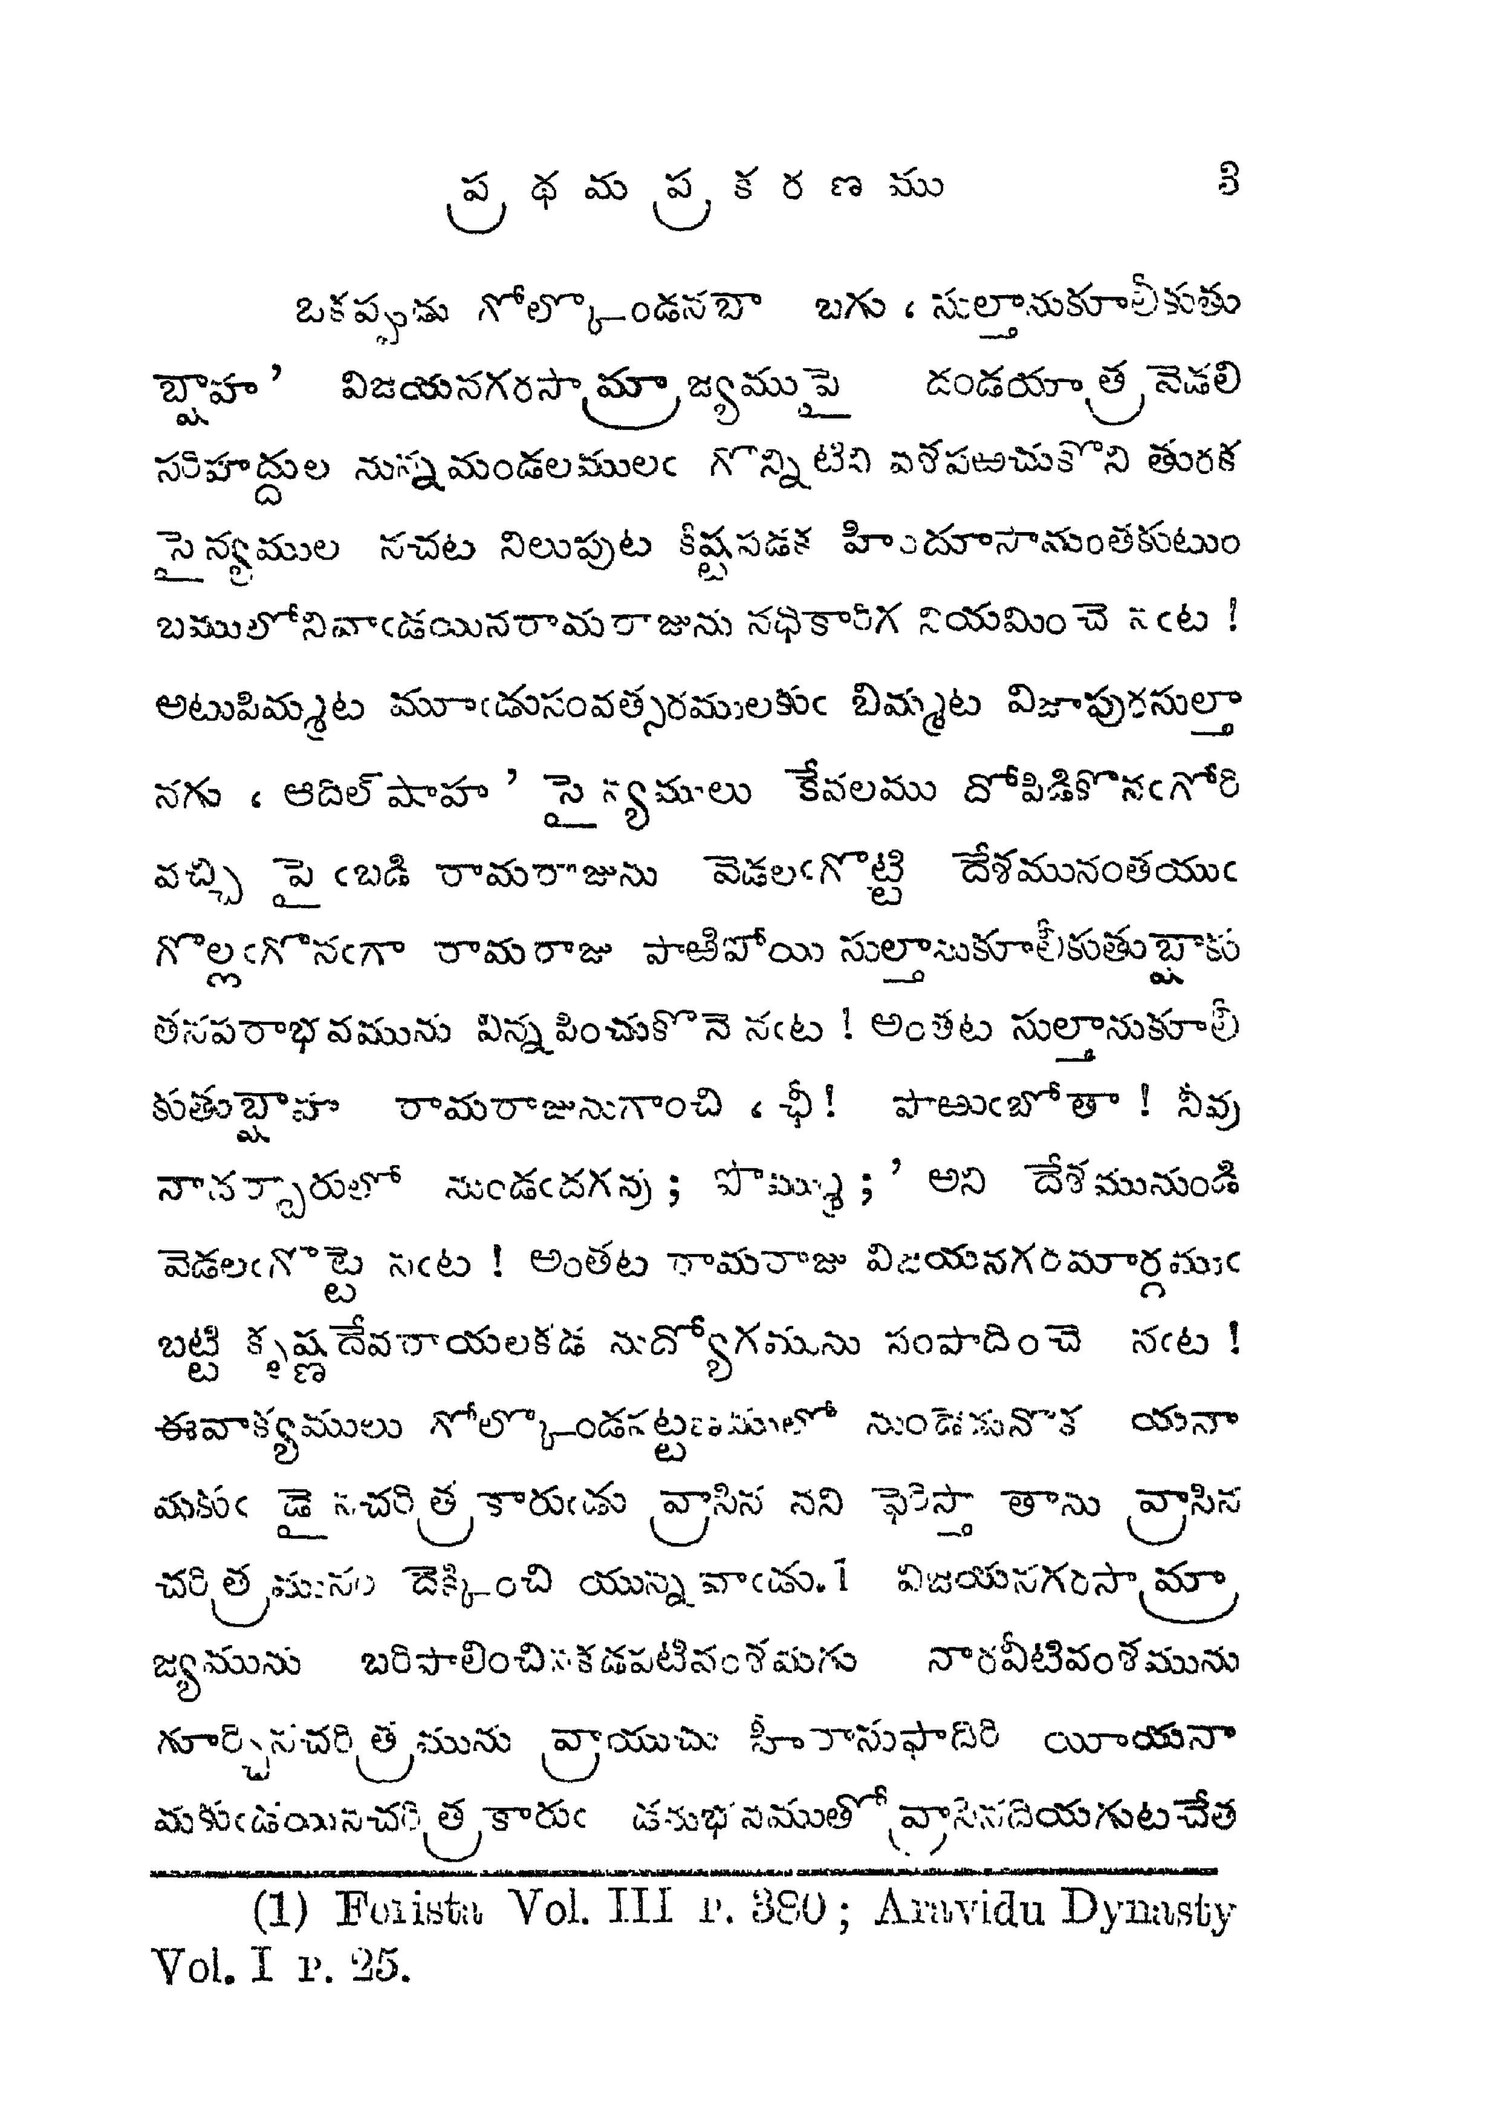ఒకప్పుడు గోల్కొండనబా బగు 'సుల్తాను కూలీకుతుబ్షాహ' విజయనగరసామ్రాజ్యముపై దండయాత్రవెడలి సరిహద్దుల నున్నమండలముల గొన్నిటిని వశపఱచుకొని తురక సైన్యముల నచట నిలుపుట కిష్టపడక హిందూ సామంతకుటుంబములోనివాడయిన రామరాజును నధికారిగా నియమించెనట! అటుపిమ్మట మూడుసంవత్సరములకు బిమ్మట విజాపురసుల్తానగు 'ఆదిల్‌షాహ' సైన్యములు కేవలము దోపిడికొనగోరి వచ్చి పైబడి రామరాజును వెడలగొట్టి దేశమునంతయు గొల్లగొనగా రామరాజు పాఱిపోయి సుల్తానుకూలీకుతుబ్షాకు తనపరాభవమును విన్నపించుకొనెనట! అంతట సుల్తానుకూలీకుతుబ్షాహ రామరాజునుగాంచి 'ఛీ! పాఱుబోతా! నీవు నాదర్బారులో నుండదగవు; పొమ్ము;' అని దేశమునుండి వెడలగొట్టె నట! అంతట రామరాజు విజయనగరమార్గముబట్టి కృష్ణదేవరాయలకడ నుద్యోగమును సంపాదించె నట! ఈవాక్యములు గోల్కొండపట్టణములో నుండెడునొక యనామకు డైనచరిత్రకారుడు వ్రాసిన నని ఫెరిస్తా తాను వ్రాసిన చరిత్రమునం దెక్కించి యున్నవాడు. విజయనగరసామ్రాజ్యమును బరిపాలించినకడపటివంశమగు నారవీటివంశమును గూర్చినచరిత్రమును వ్రాయుచు హీరానుఫాదిరి యీయనామకుడయినచతిత్రకారు డనుభవముతో వ్రాసినదియగుటచేత